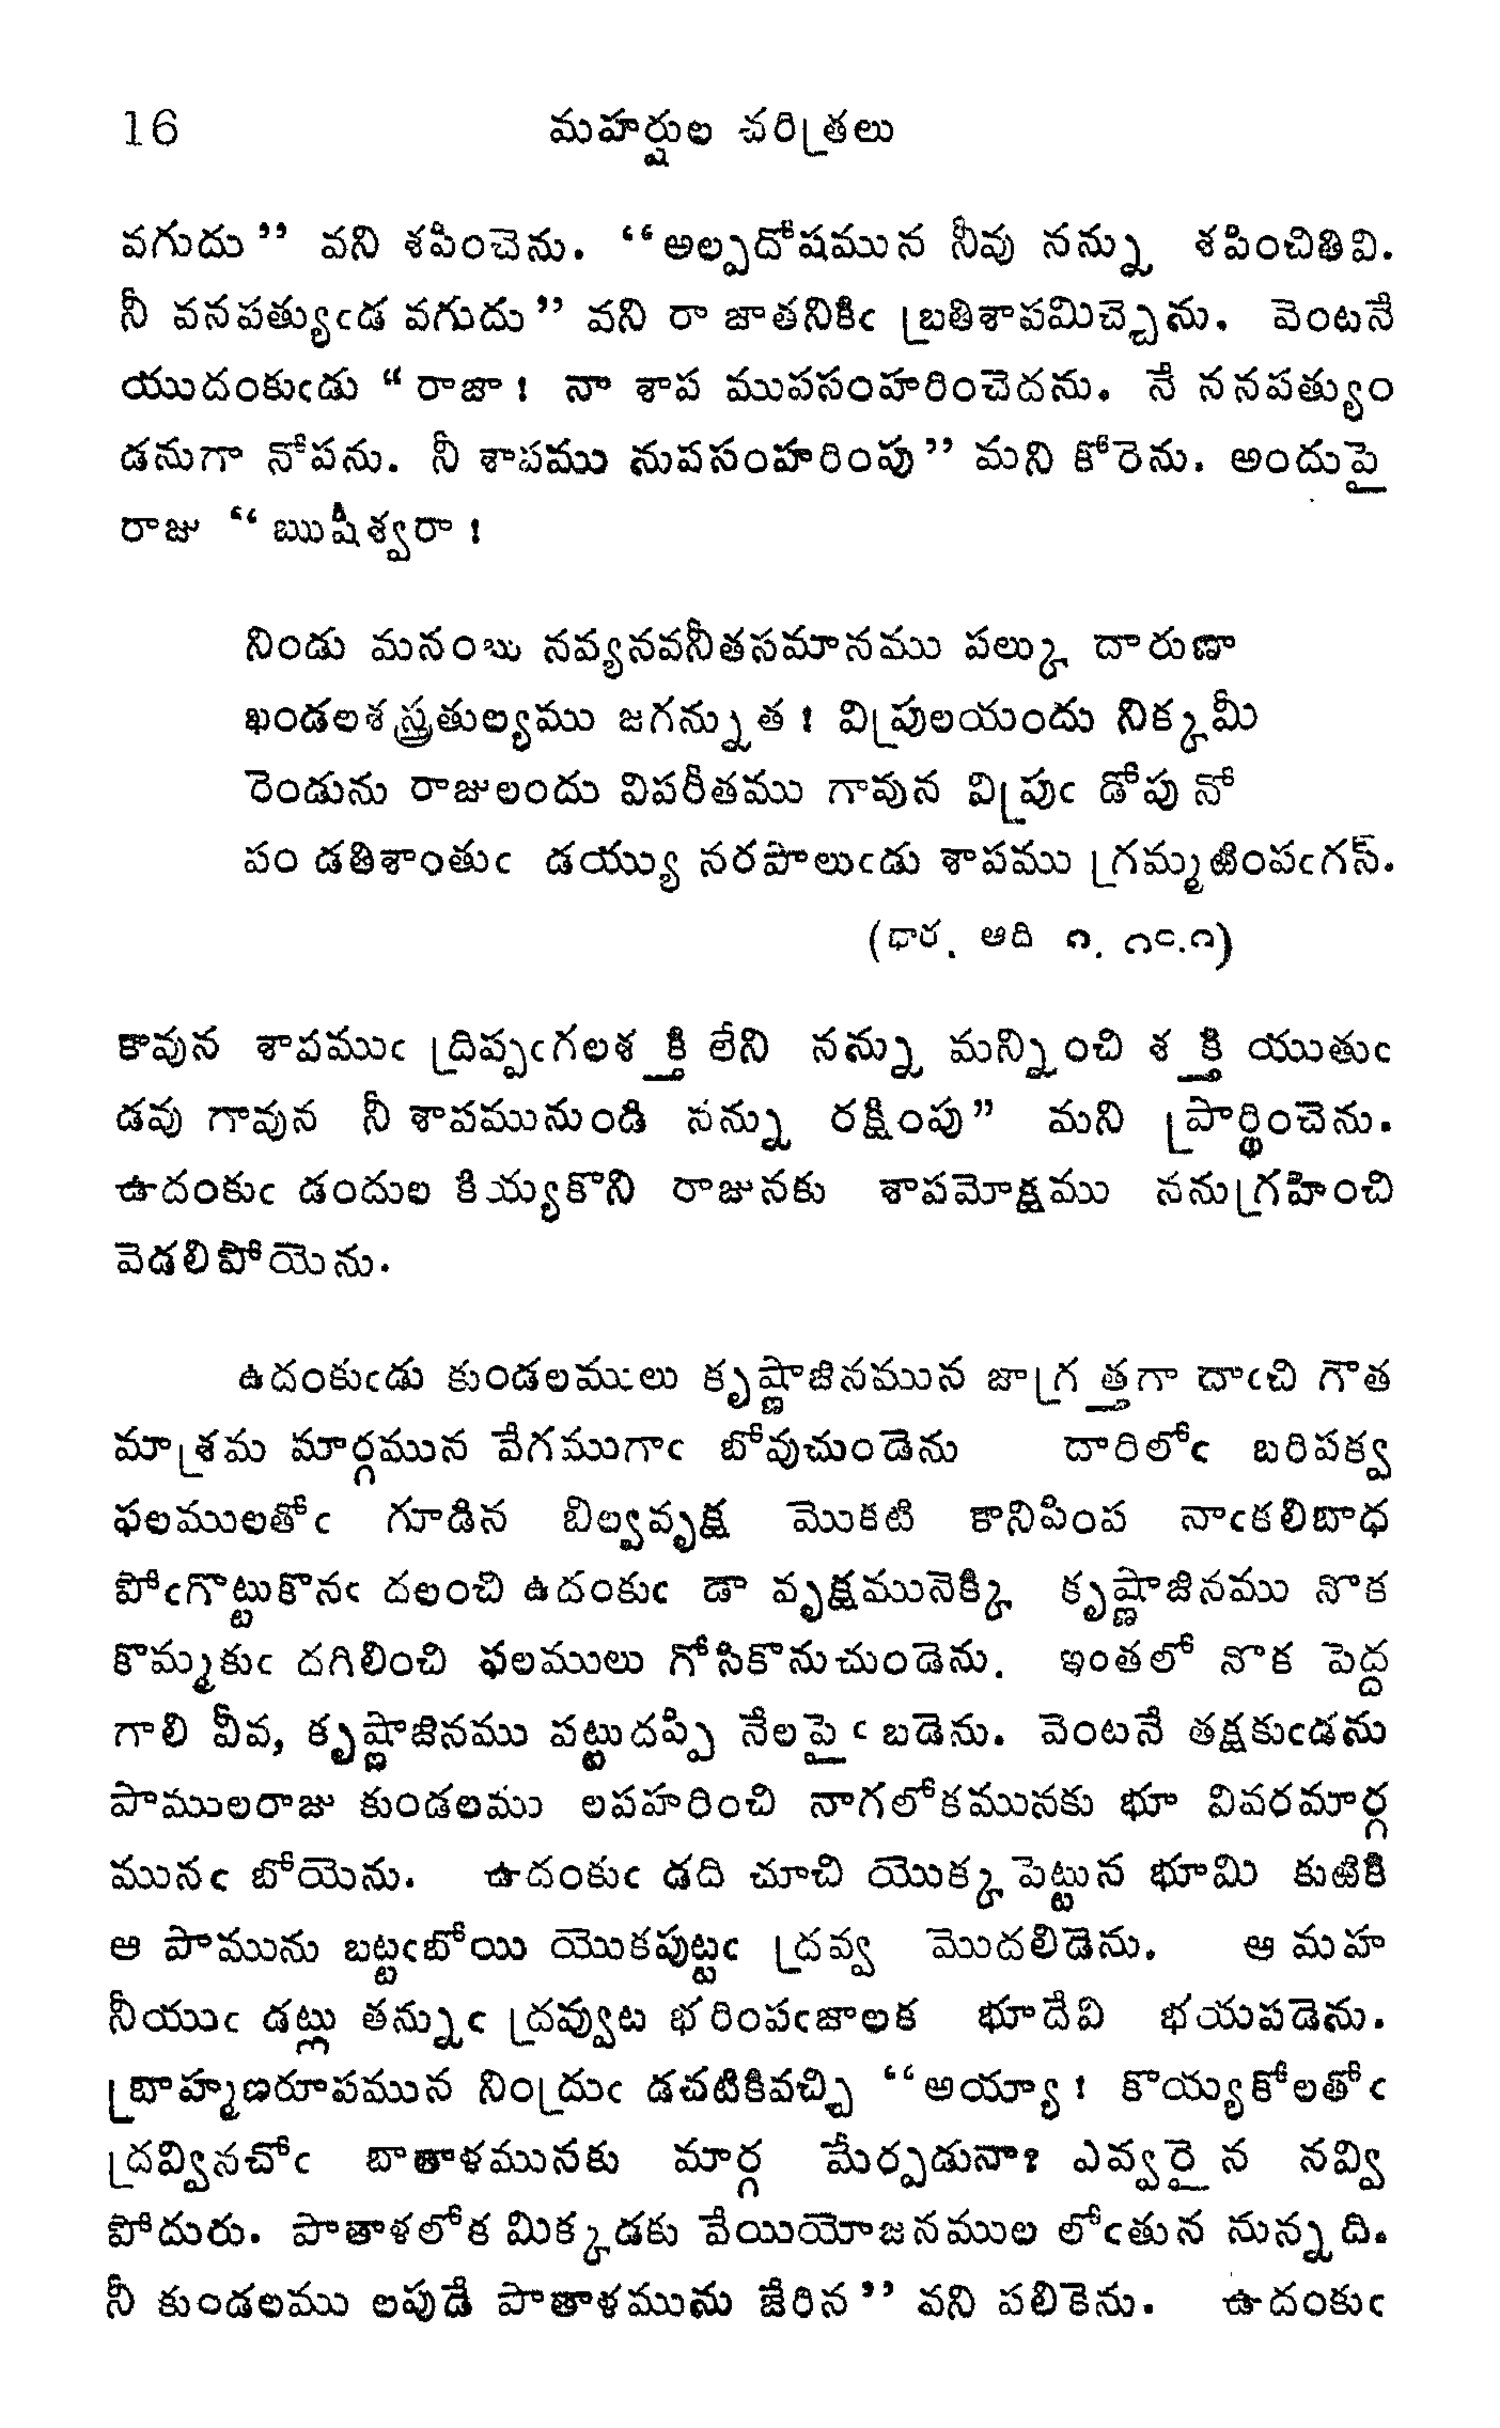వగుదు" వని శపించెను. "అల్పదోషమున నీవు నన్ను శపించితివి. నీ వనపత్యుఁడ వగుదు” వని రాజాతనికిఁ బ్రతిశాపమిచ్చెను. వెంటనే యుదంకుఁడు “రాజా ! నా శాప ముపసంహరించెదను. నే ననపత్యుండనుగా నోపను. నీ శాపము నుపసంహరింపు" మని కోరెను. అందుపై రాజు "ఋషీశ్వరా !

నిండు మనంబు నవ్యనవనీతసమానము పల్కు దారుణా 
ఖండలశస్త్రతుల్యము జగన్నుత ! విప్రులయందు నిక్కమీ 
రెండును రాజులందు విపరీతము గావున విప్రుఁ డోపు నో 
పం డతిశాంతుఁ డయ్యు నరపాలుఁడు శాపము గ్రమ్మఱింపఁగన్.
 (భార, ఆది . 1, 10, 1) 
కావున శాపముఁ ద్రిప్పఁగలశక్తి లేని నన్ను మన్నించి శక్తి యుతుఁడవు గావున నీ శాపమునుండి నన్ను రక్షింపు" మని ప్రార్థించెను. ఉదంకుఁ డందుల కియ్యకొని రాజునకు శాపమోక్షము ననుగ్రహించి వెడలిపోయెను.

ఉదంకుఁడు కుండలములు కృష్ణాజినమున జాగ్రత్తగా దాఁచి గౌతమాశ్రమ మార్గమున వేగముగాఁ బోవుచుండెను దారిలోఁ బరిపక్వ ఫలములతోఁ గూడిన బిల్వవృక్ష మొకటి కానిపింప నాఁకలిబాధ పోఁగొట్టుకొనఁ దలంచి ఉదంకుఁ డా వృక్షమునెక్కి కృష్ణాజినము నొక కొమ్మకుఁ దగిలించి ఫలములు గోసికొనుచుండెను. ఇంతలో నొక పెద్ద గాలి వీవ, కృష్ణాజినము పట్టుదప్పి నేలపైఁ బడెను. వెంటనే తక్షకుఁడను పాములరాజు కుండలము లపహరించి నాగలోకమునకు భూ వివరమార్గమునఁ బోయెను. ఉదంకుఁ డది చూచి యొక్క పెట్టున భూమి కుఱికి ఆ పామును బట్టఁబోయి యొకపుట్టఁ ద్రవ్వ మొదలిడెను. ఆ మహనీయుఁ డట్లు తన్నుఁ ద్రవ్వుట భరింపఁ జాలక భూదేవి భయపడెను.
బ్రాహ్మణరూపమున నింద్రుఁ డచటికివచ్చి " అయ్యా! కొయ్యకోలతోఁ ద్రవ్వినచోఁ బాతాళమునకు మార్గ మేర్పడునా? ఎవ్వరైన నవ్విపోదురు. పాతాళలోక మిక్కడకు వేయియోజనముల లోఁతున నున్నది. నీ కుండలము లపుడే పాతాళమును జేరిన” వని పలికెను. ఉదంకుఁ